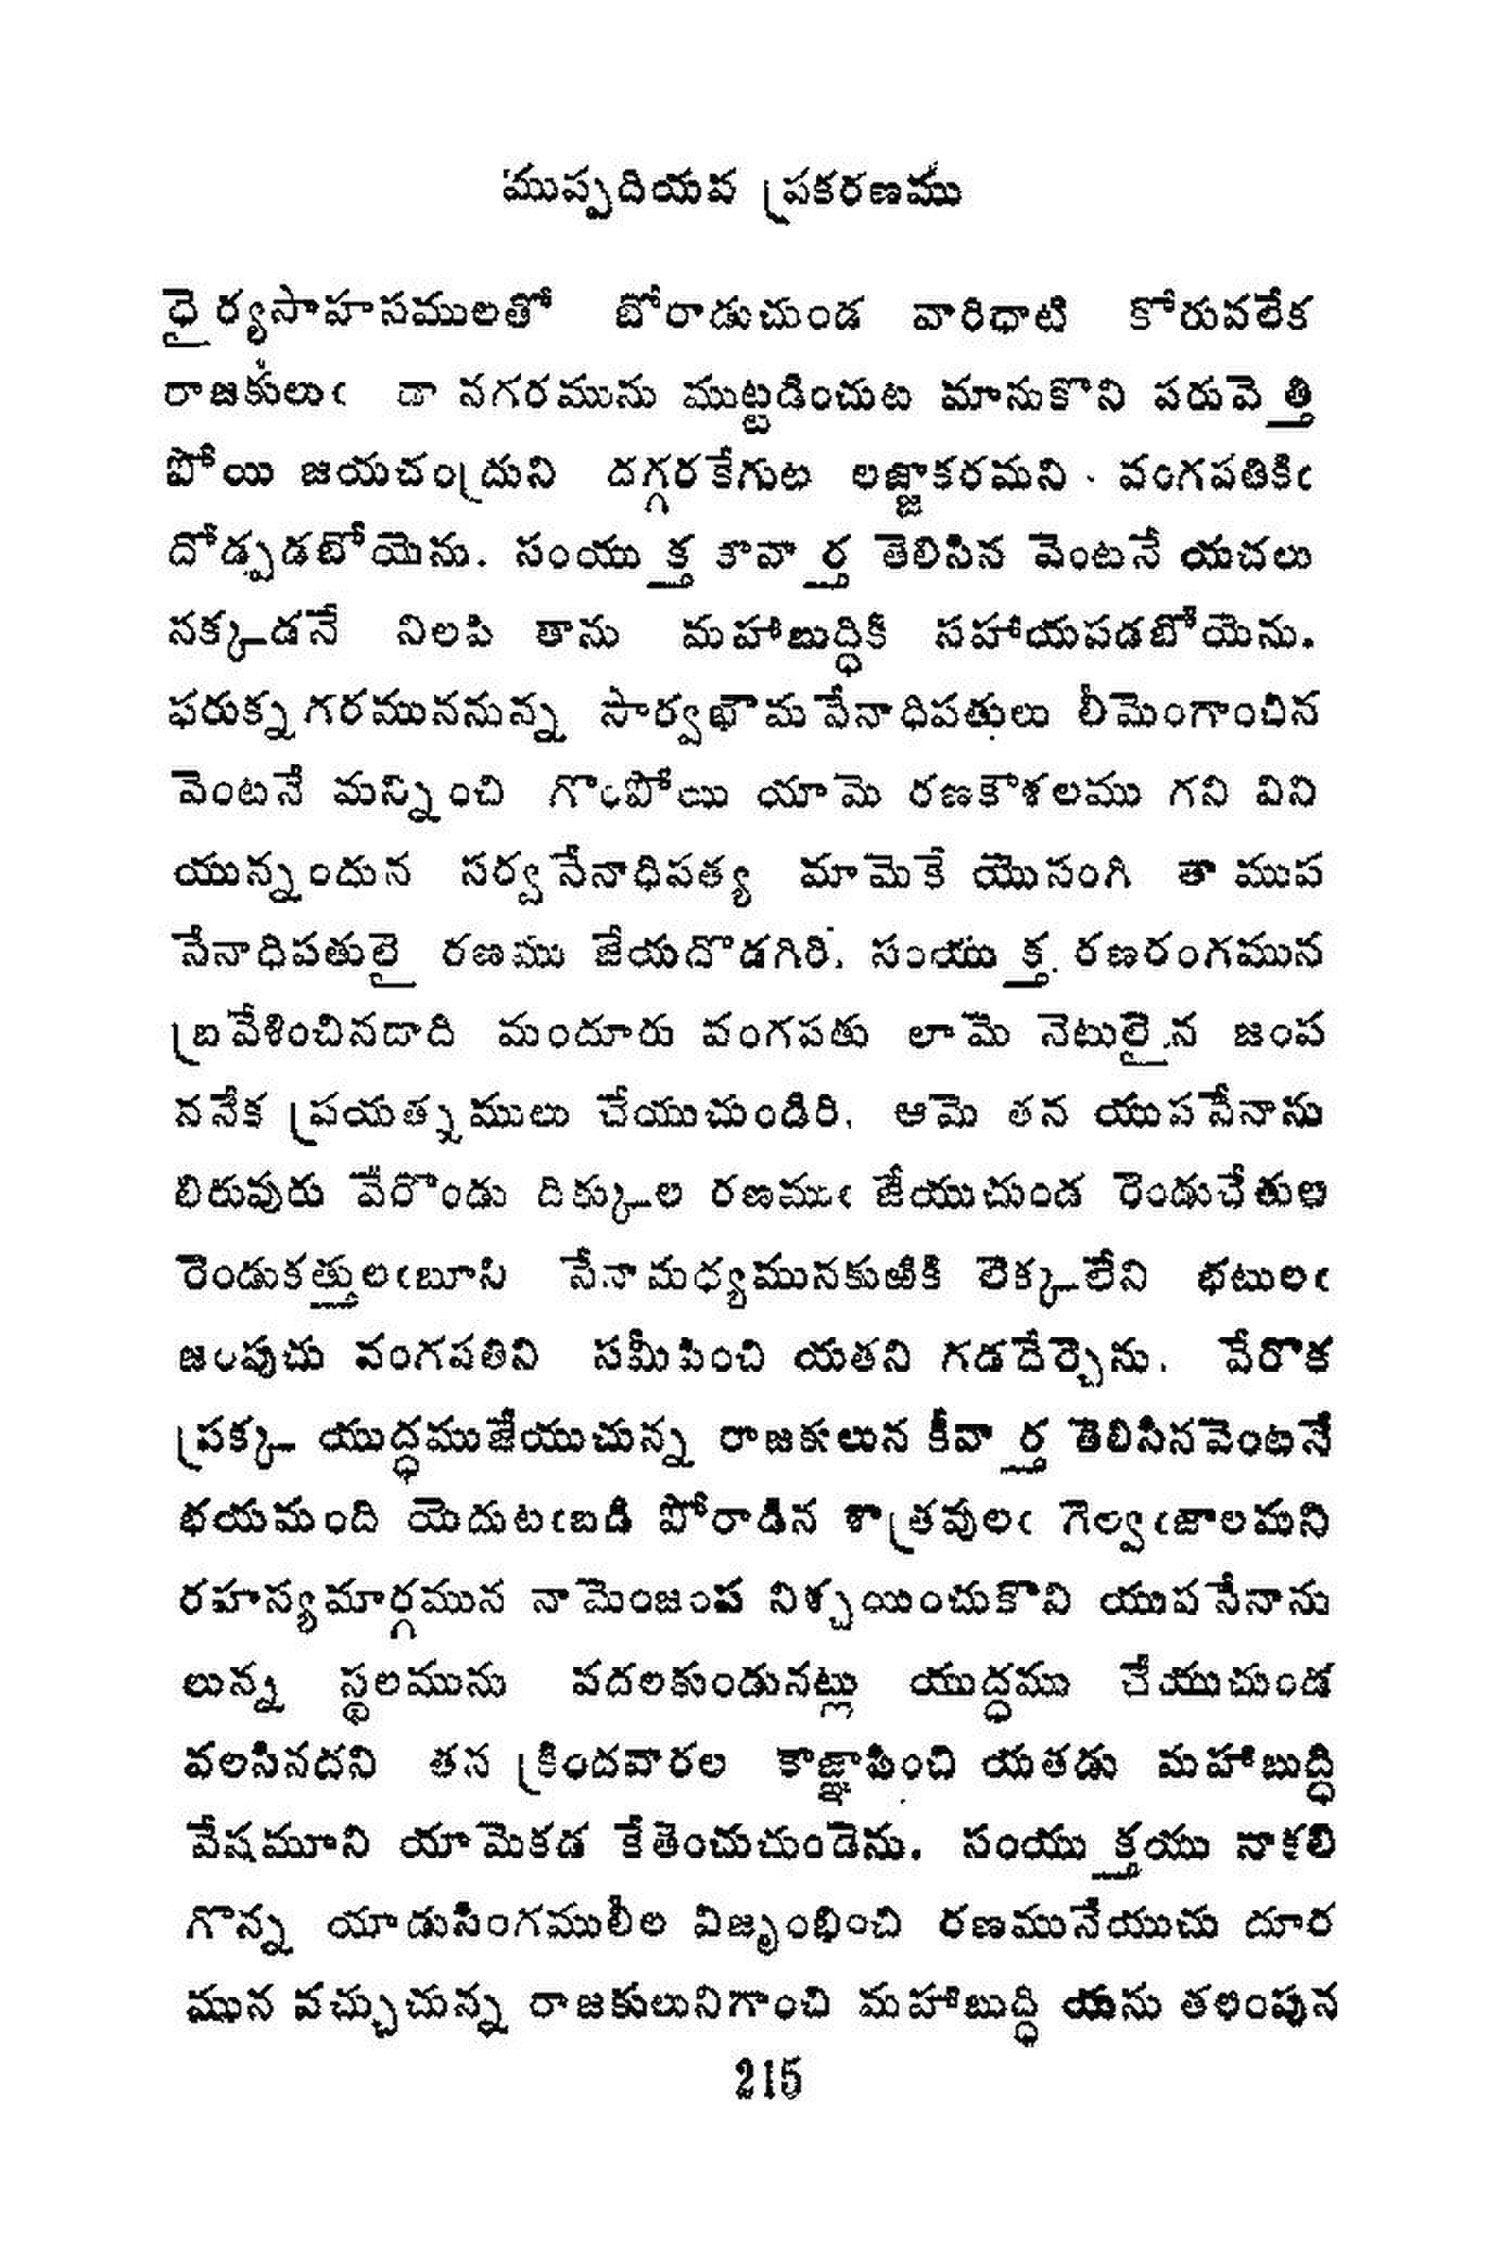ధైర్యసాహసములతో బోరాడుచుండ వారిధాటి కోరువలేక రాజకులుఁ డా నగరమును ముట్టడించుట మానుకొని పరువెత్తి పోయి జయచంద్రుని దగ్గరకేగుట లజ్జాకరమని వంగపతికిఁ దోడ్పడబోయెను. సంయుక్త కావార్త తెలిసిన వెంటనే యచలు నక్కడనే నిలపి తాను మహాబుద్దికి సహాయపడబోయేను. ఫరుక్నగరముననున్న సార్వభౌమ సేనాధిపతులు లీమెంగాంచిన వెంటనే మన్నించి గొంపోయి యామె రణకౌశలము గని విని యున్నందున సర్వ నేనాధిసత్య మామెకే యొసంగి తా ముప నేనాధిపతులై రణము జేయదొడగిరి. సంయుక్త రణరంగమున బ్రవేశించినదాది మందూరు వంగపతు లామె నెటులైన జంప ననేక ప్రయత్నములు చేయుచుండిరి. ఆమె తన యుపసేనాను లిరువురు వేరొండు దిక్కుల రణముఁ జేయుచుండ రెండుచేతుల రెండుకత్తులఁబూని సేనామధ్యమునకుఱికి లేక్కలేని భటులఁ జంపుచు వంగపతిని సమీపించి యతని గడదేర్చెను. వేరొక ప్రక్క యుద్దముజేయుచున్న రాజకులున కీవార్త తెలిసినవెంటనే భయమంది యెదుటఁబడి పోరాడిన శాత్రవులఁ గెల్వఁజాలమని రహస్యమార్గమున నామెంజంప నిశ్చయించుకొని యువసేనాను లున్న స్థలమును వదలకుండునట్లు యుద్ధము చేయుచుండ వలసినదని తన క్రిందవారల కాజ్ఞాపించి యతడు మహాబుద్ది వేషమూని యామెకడ కేతెంచుచుండెను. సంయుక్తయు నాకలి గొన్న యాడుసింగములీల విజృంభించి రణమునేయుచు దూరమున వచ్చుచున్న రాజకులునిగాంచి మహాబుద్ది యను తలంపున